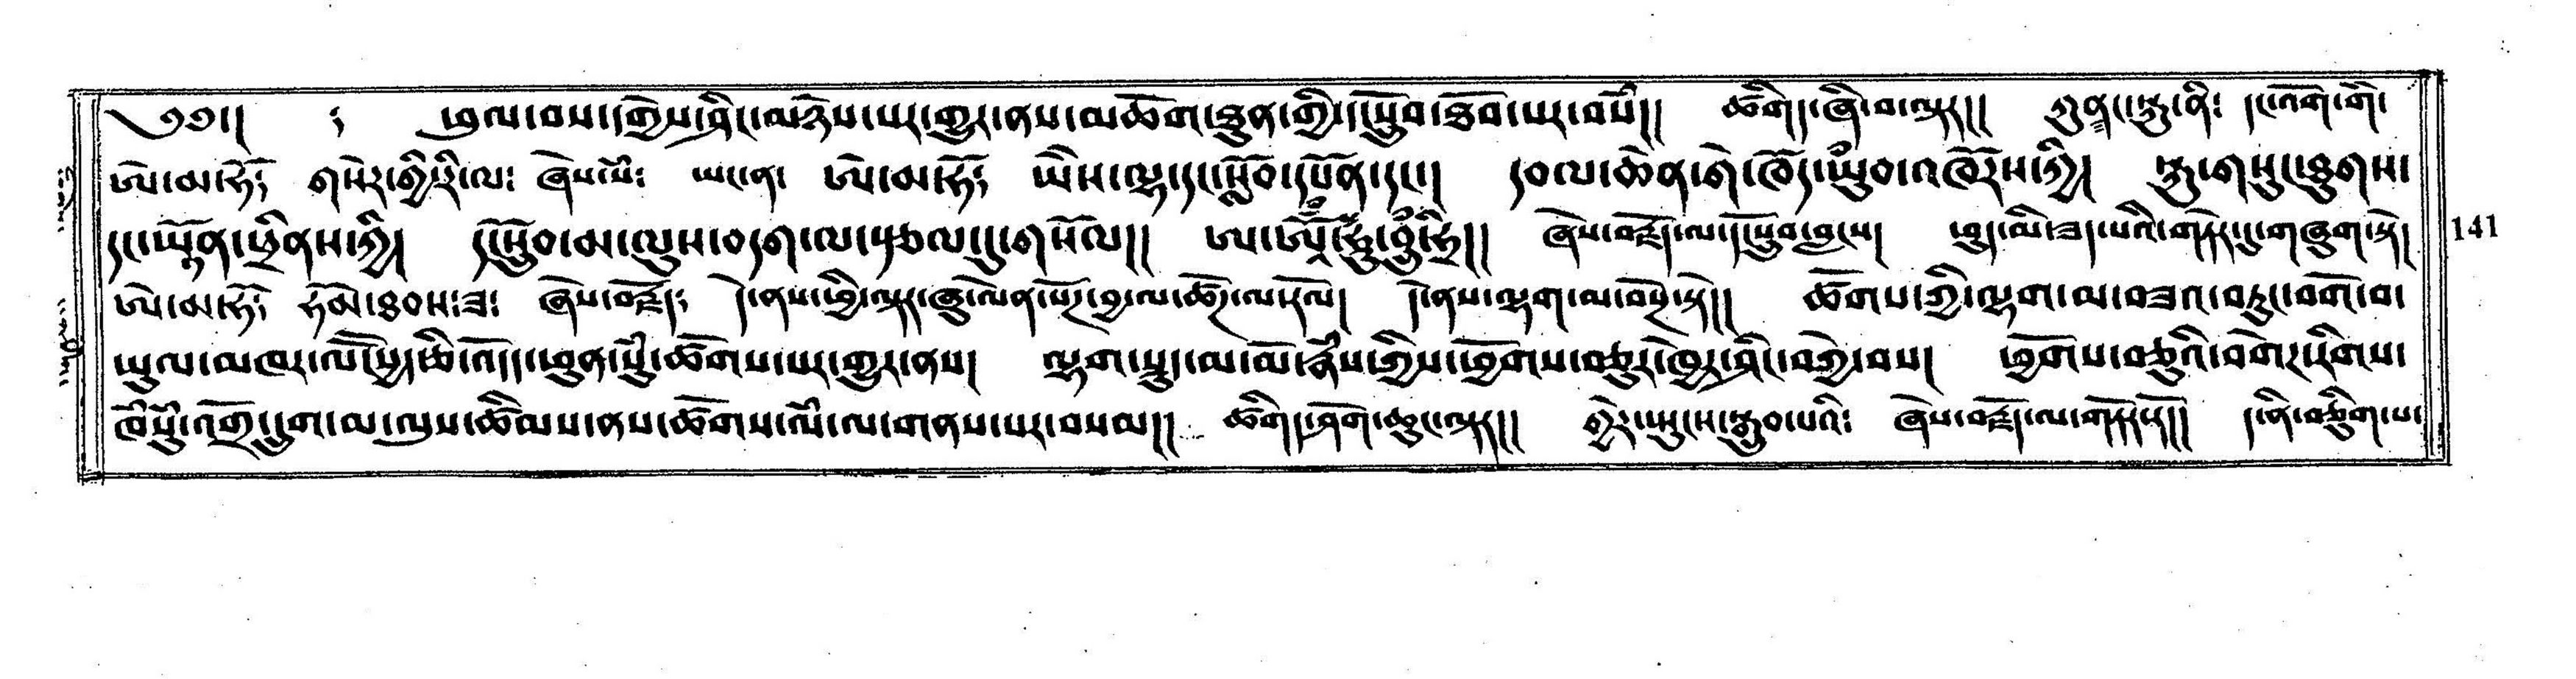ཕུལ་བས་དགྱེས་ཤིང་མཉེས་པར་གྱུར་ནས་མཆོག་ཐུན་གྱི་དངོས་གྲུབ་ཐོབ་པར་བསམ།། ཚིག་བཤད་ཞི་བ་ལྟར།། ཀུན་བཟང་སྐུ་ནི༴ དང་འོག་གི་
ཨེ་མ་ཧོ གསེར་གྱི་རི་ལ༴ ཞེས་སམ༴ ཡང་ན༴ ཨེ་མ་ཧོ ཡེ་ཤེས་ལྷ་དང་སློབ་དཔོན་དང་། དབལ་ཆེན་གེ་ཁོད་ཡབ་ཡུམ་འཁོར་བཅས་ཀྱི། སྐུ་གསུང་ཐུགས་
དང་ཡོན་ཏན་ཕྲིན་ལས་ཀྱི། དངོས་གྲུབ་མ་ལུས་བདག་ལ་སྩལ་དུ་གསོལ།། ཨ་ཨཱོཾ་ཧཱུྃ་བྲུཾ་ཧྲི།། ཞེས་བརྗོད་ལ་དངོས་གྲུབ་བླངས། ཕུད་མི་ཟད་པའི་གཏེར་དུ་གཞུག་སྟེ། 
ཨེ་མ་ཧོ ཧོམ་ཐབས་ཟ༴ ཞེས་བརྗོད༴ དེ་ནས་ཕྱི་ལྟར་ཞུ་ལེན་སོགས་བྱ་ལ་ཚོགས་ལ་རོལ། དེ་ནས་ལྷག་མ་བསྔོ་སྟེ།། ཚོགས་ཀྱི་ལྷག་མ་བཟའ་བཏུང་བགོ་བ་
ཡུལ་མཁར་ལོངས་སྤྱོད་ཅི་འདོད་ཕུན་སུམ་ཚོགས་པར་གྱུར་ནས། ལྷག་སྡུད་མ་མོ་རྣམས་ཀྱིས་ཕྱོགས་བཅུར་ཁྱེར་ཤིང་བཀྱེ་བས། ཕྱོགས་བཅུའི་བགེགས་རིགས་
ཁམས་གསུམ་འགྲོ་དྲུག་མ་ལུས་ཚིམས་ནས་ཚོགས་ལམ་ལ་གནས་པར་བསམ།། ཚིག་བཤད་ཤོག་ཆུང་ལྟར།། གྱེར་སྤུངས་སྒྲུབ་པའི༴ ཞེས་བརྗོད་ལ་གཏོར་རོ།། ད་ནི་བཅུ་གཅིག་པ་